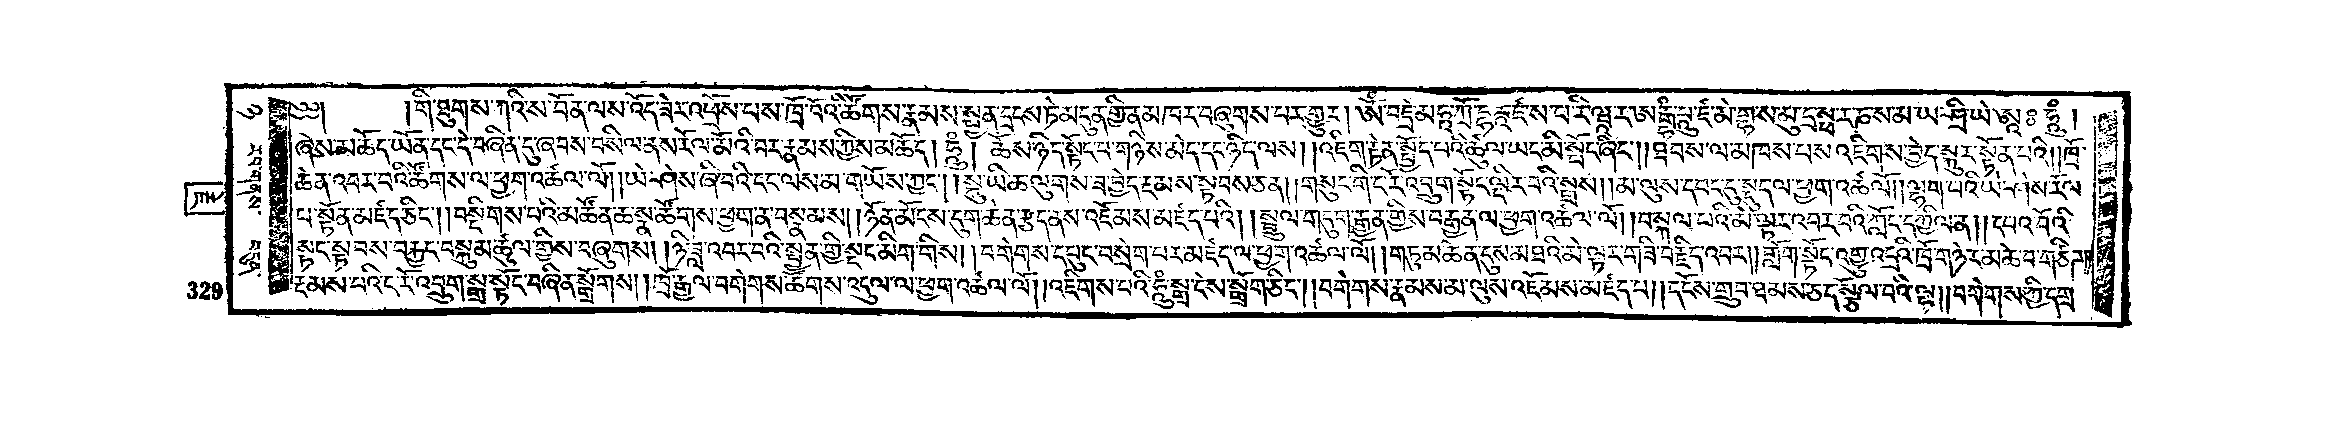༄༅། །གི་ཐུགས་ཀའི་ས་བོན་ལས་འོད་ཟེར་འཕྲོས་པས་ཁྲོ་བོའི་ཚོགས་རྣམས་སྤྱན་དྲངས་ཏེ་མདུན་གྱི་ནམ་མཁར་བཞུགས་པར་གྱུར། ཨོཾ་བཛྲ་མཧཱ་ཀྲོ་དྷ་རཱ་ཛ་ས་པ་རི་ཝཱ་ར་ཨརྒྷཾ་པཱུ་ཛ་མེ་གྷ་ས་མུ་དྲ་སྥ་ར་ཎ་ས་མ་ཡ་ཤྲི་ཡེ་ཨཱཿ ཧཱུཾ།
ཞེས་མཆོད་ཡོན་དང་དེ་བཞིན་དུ་ཞབས་བསིལ་ནས་རོལ་མོའི་བར་རྣམས་ཀྱིས་མཆོད། ཧཱུཾ། ཆོས་ཉིད་སྟོང་པ་གཉིས་མེད་དང་ཉིད་ལས། །འཇིག་རྟེན་སྤྱོད་པའི་ཚུལ་ཡང་མི་སྤོང་ཞིང་། །ཐབས་ལ་མཁས་པས་འཇིགས་བྱེད་སྐུར་སྟོན་པའི། །ཁྲོ་
ཆེན་འབར་བའི་ཚོགས་ལ་ཕྱག་འཚལ་ལོ། །ཡེ་ཤེས་ཞི་བའི་ངང་ལས་མ་གཡོས་ཀྱང་། །སྐུ་ཡི་ཆ་ལུགས་ཟ་བྱེད་རྔམས་སྟབས་ཅན། །གསུང་གི་ང་རོ་འབྲུག་སྟོང་ལྡིར་བའི་སྒྲས། །མ་ལུས་དབང་དུ་སྡུད་ལ་ཕྱག་འཚལ་ལོ། །ལྷག་པའི་ཡེ་ཤེས་རོལ་
པ་སྟོན་མཛད་ཅིང་། །བསྡིགས་པའི་མཚོན་ཆ་སྣ་ཚོགས་ཕྱག་ན་བསྣམས། །ཉོན་མོངས་དུག་ཆེན་རྩད་ནས་འཇོམས་མཛད་པའི། །སྤྲུལ་གདུག་རྒྱན་གྱིས་བརྒྱན་ལ་ཕྱག་འཚལ་ལོ། །བསྐལ་པའི་མེ་ལྟར་འབར་བའི་ཀློང་དཀྱིལ་ན། །དཔའ་བོའི་
སྟང་སྟབས་བརྐྱང་བསྐུམ་ཚུལ་གྱིས་བཞུགས། །ཉི་ཟླ་འབར་བའི་སྤྱན་གྱི་སྡང་མིག་གིས། །བགེགས་དཔུང་བསྲེག་པར་མཛད་ལ་ཕྱག་འཚལ་ལོ། །གཏུམ་ཆེན་དུས་མཐའི་མེ་ལྟར་གཟི་བརྗིད་འབར། །གློག་སྟོང་འགྱུ་འདྲའི་ཁྲོ་གཉེར་མཆེ་བ་གཙིགས། །
རྔམས་པའི་ང་རོ་འབྲུག་སྒྲ་སྟོང་བཞིན་སྒྲོགས། །ཁྲོ་རྒྱལ་བགེགས་ཚོགས་འདུལ་ལ་ཕྱག་འཚལ་ལོ། །འཇིགས་པའི་ཧཱུཾ་སྒྲ་ངེས་སྒྲོག་ཅིང་། །བགེགས་རྣམས་མ་ལུས་འཇོམས་མཛད་པ། །དངོས་གྲུབ་ཐམས་ཅད་སྩོལ་བའི་ལྷ། །བགེགས་ཀྱི་དགྲ་